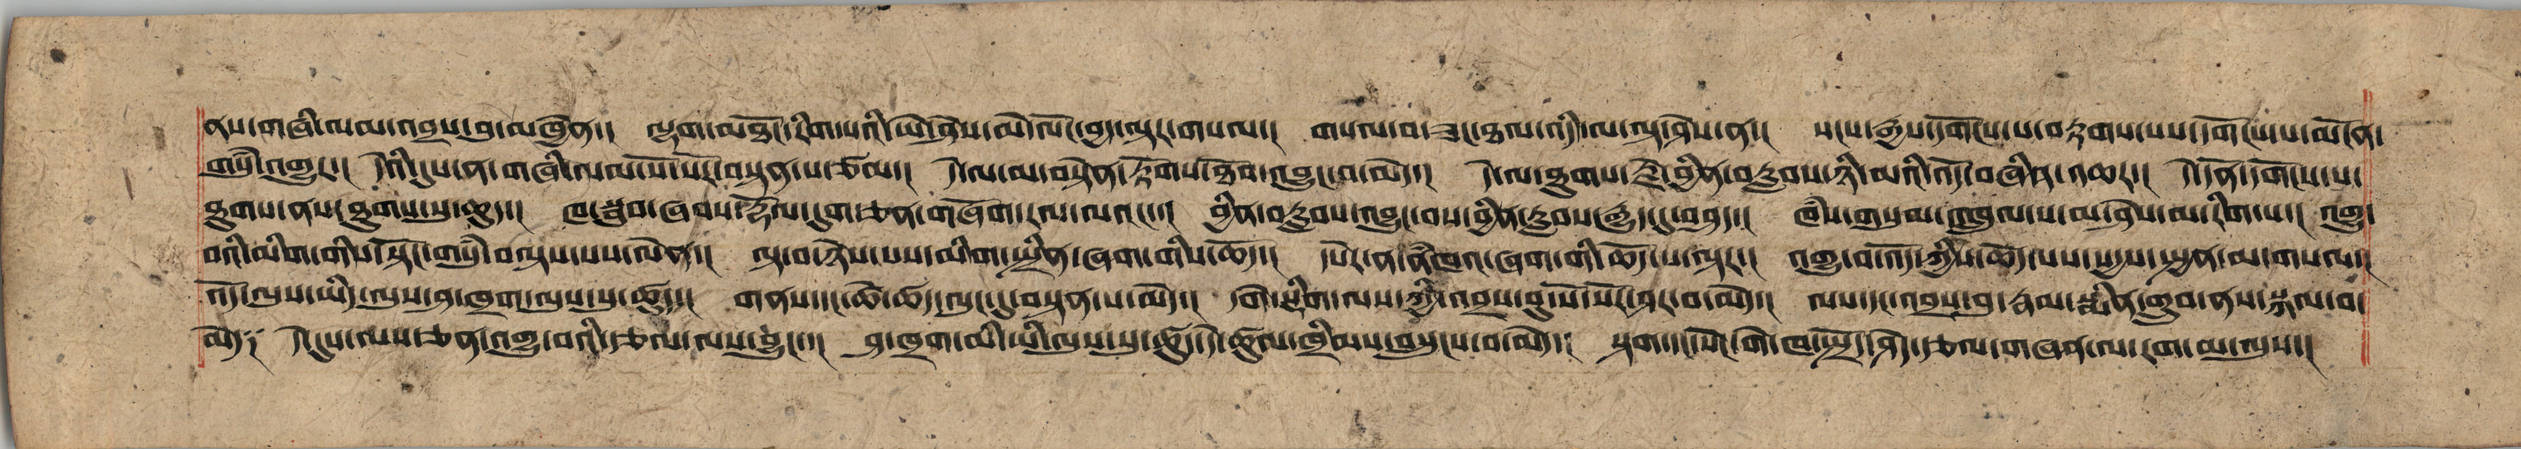ནས་གཞི་ལམ་འབྲས་བུ་མཁྱེན་། ལྷག་མཐོང་རིག་པའི་ཡེ་ཤེས་མེ་ལོང་བྱད་ལྟར་གསལ་། གསལ་བ་ཟང་ཐལ་འདི་ལ་ལྟ་ཤེས་ན་། སངས་རྒྱས་དགོངས་པ་བརྟགས་པས་དགོངས་པ་མངོན་
གསུཾ་འགྱུར་། དེའི་དུས་ན་གཞི་ལམ་སོ་སོར་བསྟན་པ་་ཙམ་། དེ་ལ་མ་བསྟེན་རྟོགས་ཐོབ་འབྱུང་བ་མེད་། དེ་ལ་ཐུགས་རྗེ་བྱིན་བརླབས་ཉི་མའི་འོད་བཞིན་འཆར་། དེ་དོན་དགོངས་པ་
ཐུགས་ནས་ཐུགས་སུ་ཆུད་། ཁ་སྦུབ་ཞབས་རྡོལ་དུག་ཅན་གཞོག་རལ་ལའང་་། བྱིན་བརླབས་འབྱུང་བས་བྱིན་རླབས་རྒྱུད་དུ་བཤད་། ཁཾས་གསུམ་འཁྲུལ་པ་མ་ཤེས་མ་རིག་པ་། འགྱུ་
བའི་མིག་གིས་སྟོང་གསུཾ་བལྟས་པས་ལེན་། ལྟ་བ་ཉེས་པས་མིག་སྤྲིན་ཞག་གིས་ཆོད་། དཔེར་ན་ནཾཁའ་ཞག་གི་ཆོད་པ་ལྟར་། འགྱུ་བ་འོད་ཀྱིས་ཆོད་ལས་སདྱས་སྤྱན་མ་གསལ་།
འོད་ལུས་ཡིད་ལུས་ཤ་ཁྲག་ལུས་སུ་ཚུད་། གནས་དང་ཚེ་ཚད་ལུང་དུ་བསྟན་པ་མེད་། དགེ་སྡིག་ལས་ཀྱི་འབྲས་བུ་སོ་སོར་ཤར་བ་མེད་། ལས་དང་འབྲས་བུ་རྣམ་སྨིན་གྲུབ་ནས་སྐལ་བ་
མེད༑ དེ་དུས་ལབ་ཅན་འགྱུ་བའི་རྩལ་ལས་བྱུང་་། ཤ་ཁྲག་མི་ཡི་ལུས་སུ་ཚུད་དེ་ཚུལ་ཁྲིམས་བསྲུངས་བ་མེད་། སྟག་དང་སེང་གེ་ཁ་སྤྲོད་ཤེད་རྩལ་གཞན་ལ་རག་མ་ལུས་།